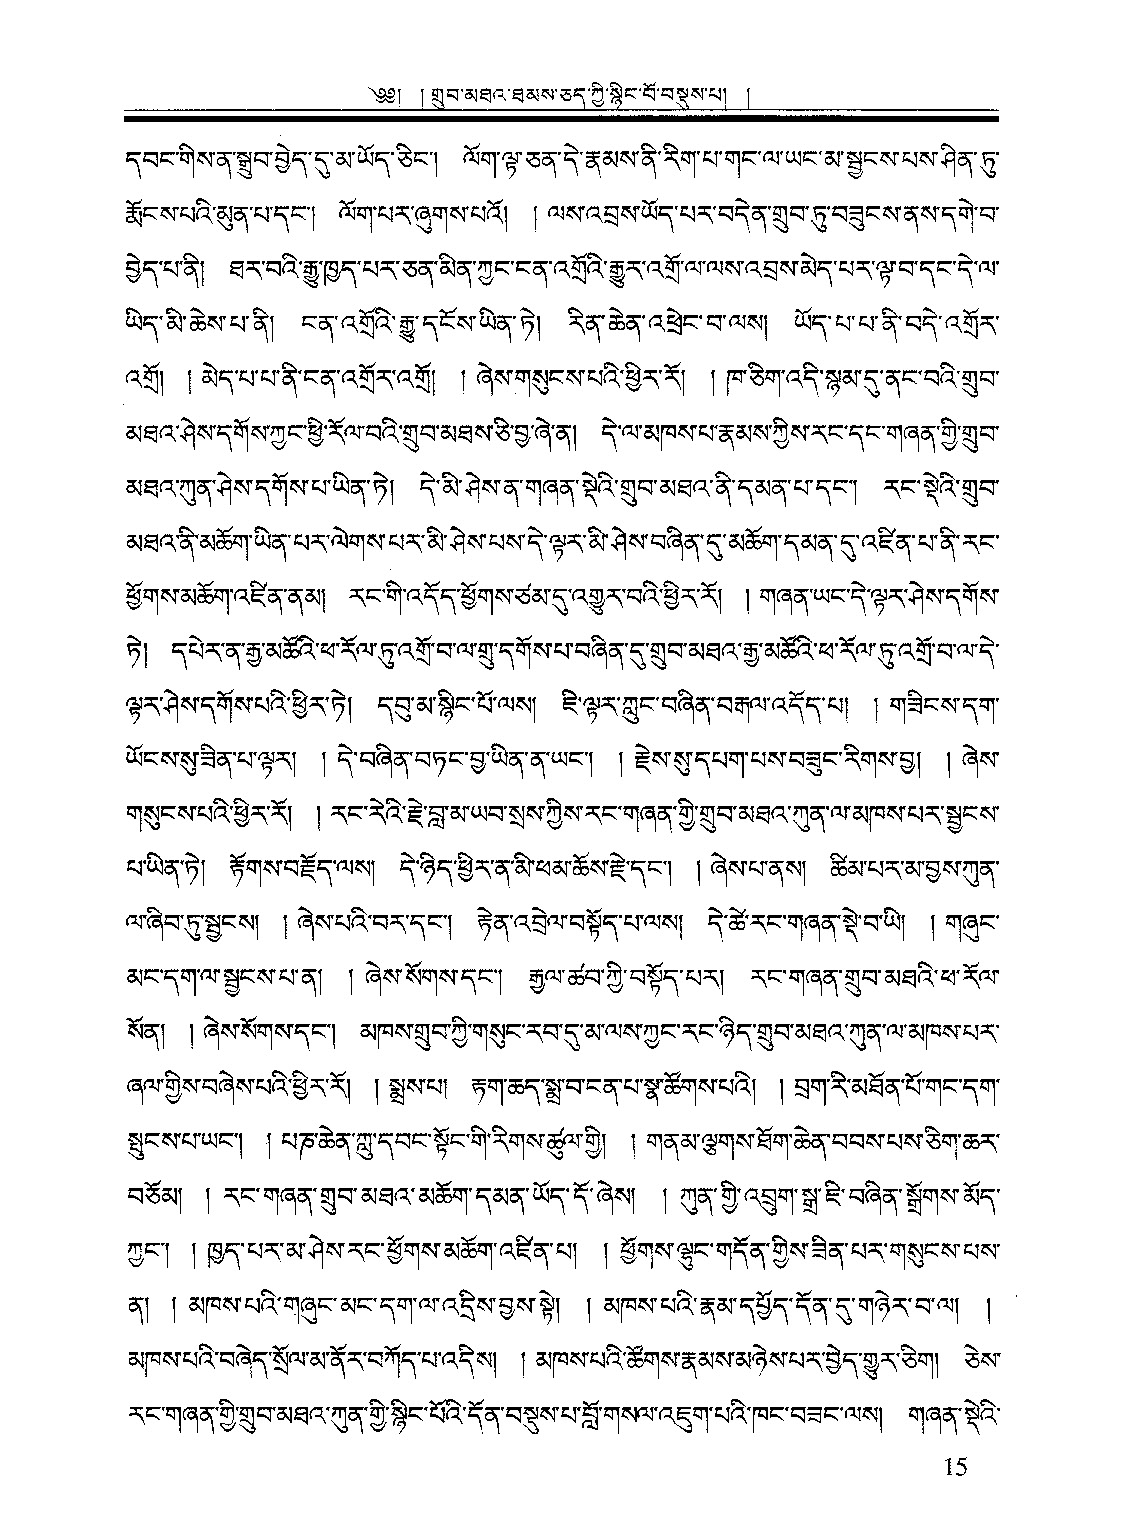དབང་གིས་ན་སྒྲུབ་བྱེད་དུ་མ་ཡོད་ཅིང་། ལོག་ལྟ་ཅན་དེ་རྣམས་ནི་རིག་པ་གང་ལ་ཡང་མ་སྦྱངས་པས་ཤིན་ཏུ་
རྨོངས་པའི་མུན་པ་དང་། ལོག་པར་ཞུགས་པའོ། །ལས་འབྲས་ཡོད་པར་བདེན་གྲུབ་ཏུ་བཟུངས་ནས་དགེ་བ་
བྱེད་པ་ནི། ཐར་བའི་རྒྱུ་ཁྱད་པར་ཅན་མིན་ཀྱང་ངན་འགྲོའི་རྒྱུར་འགྲོ་ལ་ལས་འབྲས་མེད་པར་ལྟ་བ་དང་དེ་ལ་
ཡིད་མི་ཆེས་པ་ནི། ངན་འགྲོའི་རྒྱུ་དངོས་ཡིན་ཏེ། རིན་ཆེན་འཕྲེང་བ་ལས། ཡོད་པ་པ་ནི་བདེ་འགྲོར་
འགྲོ། །མེད་པ་པ་ནི་ངན་འགྲོར་འགྲོ། །ཞེས་གསུངས་པའི་ཕྱིར་རོ། །ཁ་ཅིག་འདི་སྙམ་དུ་ནང་བའི་གྲུབ་
མཐའ་ཤེས་དགོས་ཀྱང་ཕྱི་རོལ་བའི་གྲུབ་མཐས་ཅི་བྱ་ཞེ་ན། དེ་ལ་མཁས་པ་རྣམས་ཀྱིས་རང་དང་གཞན་གྱི་གྲུབ་
མཐའ་ཀུན་ཤེས་དགོས་པ་ཡིན་ཏེ། དེ་མི་ཤེས་ན་གཞན་སྡེའི་གྲུབ་མཐའ་ནི་དམན་པ་དང་། རང་སྡེའི་གྲུབ་
མཐའ་ནི་མཆོག་ཡིན་པར་ལེགས་པར་མི་ཤེས་པས་དེ་ལྟར་མི་ཤེས་བཞིན་དུ་མཆོག་དམན་དུ་འཛིན་པ་ནི་རང་
ཕྱོགས་མཆོག་འཛིན་ནམ། རང་གི་འདོད་ཕྱོགས་ཙམ་དུ་འགྱུར་བའི་ཕྱིར་རོ། །གཞན་ཡང་དེ་ལྟར་ཤེས་དགོས་
ཏེ། དཔེར་ན་རྒྱ་མཚོའི་ཕ་རོལ་ཏུ་འགྲོ་བ་ལ་གྲུ་དགོས་པ་བཞིན་དུ་གྲུབ་མཐའ་རྒྱ་མཚོའི་ཕ་རོལ་ཏུ་འགྲོ་བ་ལ་དེ་
ལྟར་ཤེས་དགོས་པའི་ཕྱིར་ཏེ། དབུ་མ་སྙིང་པོ་ལས། ཇི་ལྟར་ཀླུང་བཞིན་བརྒལ་འདོད་པ། །གཟིངས་དག་
ཡོངས་སུ་ཟིན་པ་ལྟར། །དེ་བཞིན་བཏང་བྱ་ཡིན་ན་ཡང་། །རྗེས་སུ་དཔག་པས་བཟུང་རིགས་བྱ། །ཞེས་
གསུངས་པའི་ཕྱིར་རོ། །རང་རེའི་རྗེ་བླ་མ་ཡབ་སྲས་ཀྱིས་རང་གཞན་གྱི་གྲུབ་མཐའ་ཀུན་ལ་མཁས་པར་སྦྱངས་
པ་ཡིན་ཏེ། རྟོགས་བརྗོད་ལས། དེ་ཉིད་ཕྱིར་ན་མི་ཕམ་ཆོས་རྗེ་དང་། །ཞེས་པ་ནས། ཚིམ་པར་མ་བྱས་ཀུན་
ལ་ཞིབ་ཏུ་སྦྱངས། །ཞེས་པའི་བར་དང་། རྟེན་འབྲེལ་བསྟོད་པ་ལས། དེ་ཚེ་རང་གཞན་སྡེ་བ་ཡི། །གཞུང་
མང་དག་ལ་སྦྱངས་པ་ན། །ཞེས་སོགས་དང་། རྒྱལ་ཚབ་ཀྱི་བསྟོད་པར། རང་གཞན་གྲུབ་མཐའི་ཕ་རོལ་
སོན། །ཞེས་སོགས་དང་། མཁས་གྲུབ་ཀྱི་གསུང་རབ་དུ་མ་ལས་ཀྱང་རང་ཉིད་གྲུབ་མཐའ་ཀུན་ལ་མཁས་པར་
ཞལ་གྱིས་བཞེས་པའི་ཕྱིར་རོ། །སྨྲས་པ། རྟག་ཆད་སྨྲ་བ་ངན་པ་སྣ་ཚོགས་པའི། །བྲག་རི་མཐོན་པོ་གང་དག་
སྤུངས་པ་ཡང་། །པཎ་ཆེན་ཀླུ་དབང་སྟོང་གི་རིགས་ཚུལ་གྱི། །གནམ་ལྕགས་ཐོག་ཆེན་བབས་པས་ཅིག་ཆར་
བཅོམ། །རང་གཞན་གྲུབ་མཐའ་མཆོག་དམན་ཡོད་དོ་ཞེས། །ཀུན་གྱི་འབྲུག་སྒྲ་ཇི་བཞིན་སྒྲོགས་མོད་
ཀྱང་། །ཁྱད་པར་མ་ཤེས་རང་ཕྱོགས་མཆོག་འཛིན་པ། །ཕྱོགས་ལྷུང་གདོན་གྱིས་ཟིན་པར་གསུངས་པས་
ན། །མཁས་པའི་གཞུང་མང་དག་ལ་འདྲིས་བྱས་སྟེ། །མཁས་པའི་རྣམ་དཔྱོད་དོན་དུ་གཉེར་བ་ལ། །
མཁས་པའི་བཞེད་སྲོལ་མ་ནོར་བཀོད་པ་འདིས། །མཁས་པའི་ཚོགས་རྣམས་མཉེས་པར་བྱེད་གྱུར་ཅིག། ཅེས་
རང་གཞན་གྱི་གྲུབ་མཐའ་ཀུན་གྱི་སྙིང་པོའི་དོན་བསྡུས་པ་བློ་གསལ་འཇུག་པའི་ཁང་བཟང་ལས། གཞན་སྡེའི་